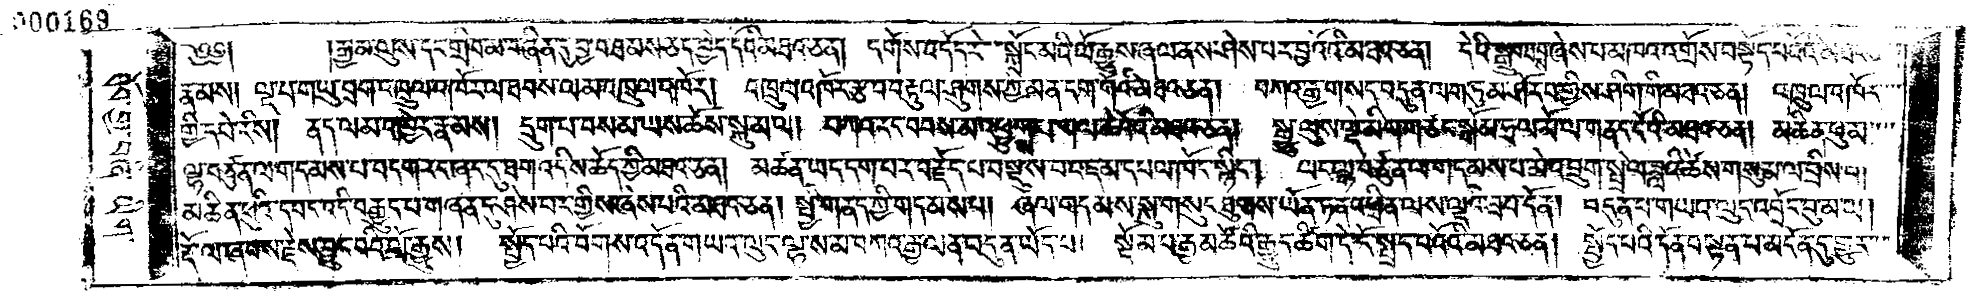༄༅། །རྒྱ་མ་ལུས་དང་གྲིབ་མ་བཞིན་དུ་བྱ་བ་ཐམས་ཅད་བྱེད་དོའི་མཐའ་ཅན། དགོས་འདོད་རེ་སྐོང་མའི་ལོ་རྒྱས་ཞལ་ནས་ཤེས་པར་བྱའོའི་མཐའ་ཅན། དེའི་སྒྲུབ་བབས་ཞེས་པ་མཁའ་འགྲོས་བསྟོད་པའོའི་མཐའ་ཅན།
རྣམས། ལྔ་པ་གཡུ་བྲག་འཁྲུལ་འཁོར་ལ་ཐབས་ལམ་འཁྲུལ་འཁོར། འཁྲུལ་འཁོར་རྩ་བ་བརྟུལ་ཤུགས་ཀྱི་མན་ངག་གོའི་མཐའ་ཅན། བཀའ་རྒྱ་གསང་བདུན་ལག་ཏུ་མ་ཤོར་བ་གྱིས་ཤིག་གི་མཐའ་ཅན། འཁྲུལ་འཁོར་
གྱི་དཔེ་རིས། ནད་ལམ་འཁྱེར་རྣམས། དྲུག་པ་བསམ་ཡས་ཆོས་སྐུ་མ་ལ། བཀའ་རང་བབས་མ་འཕྱུགས་པ་གལ་ཆེའོའི་མཐའ་ཅན། སྒྱུ་ལུས་ལྡེ་མིག་གཙང་སྒོམ་ཧྲལ་མོ་ལ་གནང་ངོའི་མཐའ་ཅན། མཆིན་ཕུ་མ་
ལྷ་བཙུན་ལ་གདམས་པ་བདག་རང་ཞང་དུ་ཐག་འདི་ས་ཆོད་ཀྱི་མཐའ་ཅན། མཚན་ཡང་དག་པར་བརྗོད་པ་བསྡུས་པ་འཇམ་དཔལ་ཁོང་སྙིང་། ཡང་ལྷ་བཙུན་ལ་གདམས་པ་མེ་འབྲུག་སྤྲེལ་ཟླའི་ཚེས་གསུམ་ལ་བྲིས་པ།
མཆིན་ཕུའི་དབང་འདི་བརྒྱུད་པ་གཞན་དུ་ཤེས་པར་གྱིས་ཞེས་པའི་མཐའ་ཅན། སྤྱི་གནད་ཀྱི་གདམས་པ། ཞལ་གདམས་སྐུ་གསུང་ཐུགས་ཡོན་ཏན་འཕྲིན་ལས་ལྔའི་ཟབ་དོན། བདུན་པ་གཡའ་ལུང་འབྲོང་བུ་མ་ལ།
རྡོ་ལ་ཞབས་རྗེས་བྱུང་བའི་ལོ་རྒྱུས། སྤྱོད་པའི་བོགས་འདོན་གཡའ་ལུང་ལྷ་ས་མ་བཀའ་རྒྱ་ལན་བདུན་ཡོད་པ། སྡོམ་པ་རྒྱ་མཚོའི་རྒྱུད་ཚིག་དེ་ངོ་སྤྲད་པའོའི་མཐའ་ཅན། སྤྱོད་པའི་དོན་བསྟན་པ་མངོན་དུ་གྱུར་